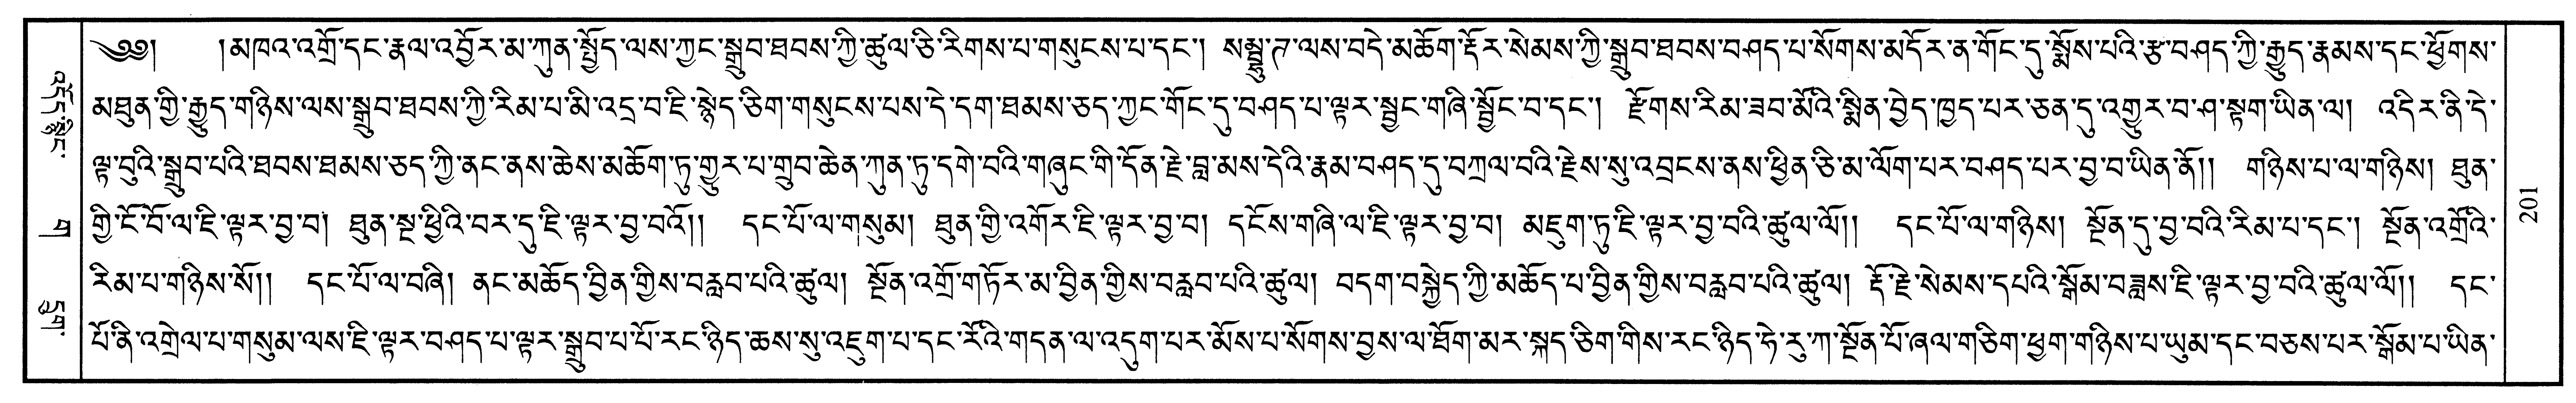༄༅། །མཁའ་འགྲོ་དང་རྣལ་འབྱོར་མ་ཀུན་སྤྱོད་ལས་ཀྱང་སྒྲུབ་ཐབས་ཀྱི་ཚུལ་ཅི་རིགས་པ་གསུངས་པ་དང་། སམྦྷུ་ཊ་ལས་བདེ་མཆོག་རྡོར་སེམས་ཀྱི་སྒྲུབ་ཐབས་བཤད་པ་སོགས་མདོར་ན་གོང་དུ་སྨོས་པའི་རྩ་བཤད་ཀྱི་རྒྱུད་རྣམས་དང་ཕྱོགས་
མཐུན་གྱི་རྒྱུད་གཉིས་ལས་སྒྲུབ་ཐབས་ཀྱི་རིམ་པ་མི་འདྲ་བ་ཇི་སྙེད་ཅིག་གསུངས་པས་དེ་དག་ཐམས་ཅད་ཀྱང་གོང་དུ་བཤད་པ་ལྟར་སྦྱང་གཞི་སྦྱོང་བ་དང་། རྫོགས་རིམ་ཟབ་མོའི་སྨིན་བྱེད་ཁྱད་པར་ཅན་དུ་འགྱུར་བ་ཤ་སྟག་ཡིན་ལ། འདིར་ནི་དེ་
ལྟ་བུའི་སྒྲུབ་པའི་ཐབས་ཐམས་ཅད་ཀྱི་ནང་ནས་ཆེས་མཆོག་ཏུ་གྱུར་པ་གྲུབ་ཆེན་ཀུན་ཏུ་དགེ་བའི་གཞུང་གི་དོན་རྗེ་བླ་མས་དེའི་རྣམ་བཤད་དུ་བཀྲལ་བའི་རྗེས་སུ་འབྲངས་ནས་ཕྱིན་ཅི་མ་ལོག་པར་བཤད་པར་བྱ་བ་ཡིན་ནོ།། གཉིས་པ་ལ་གཉིས། ཐུན་
གྱི་ངོ་བོ་ལ་ཇི་ལྟར་བྱ་བ། ཐུན་སྔ་ཕྱིའི་བར་དུ་ཇི་ལྟར་བྱ་བའོ།། དང་པོ་ལ་གསུམ། ཐུན་གྱི་འགོར་ཇི་ལྟར་བྱ་བ། དངོས་གཞི་ལ་ཇི་ལྟར་བྱ་བ། མཇུག་ཏུ་ཇི་ལྟར་བྱ་བའི་ཚུལ་ལོ།། དང་པོ་ལ་གཉིས། སྔོན་དུ་བྱ་བའི་རིམ་པ་དང་། སྔོན་འགྲོའི་
རིམ་པ་གཉིས་སོ།། དང་པོ་ལ་བཞི། ནང་མཆོད་བྱིན་གྱིས་བརླབ་པའི་ཚུལ། སྔོན་འགྲོ་གཏོར་མ་བྱིན་གྱིས་བརླབ་པའི་ཚུལ། བདག་བསྐྱེད་ཀྱི་མཆོད་པ་བྱིན་གྱིས་བརླབ་པའི་ཚུལ། རྡོ་རྗེ་སེམས་དཔའི་སྒོམ་བཟླས་ཇི་ལྟར་བྱ་བའི་ཚུལ་ལོ།། དང་
པོ་ནི་འགྲེལ་པ་གསུམ་ལས་ཇི་ལྟར་བཤད་པ་ལྟར་སྒྲུབ་པ་པོ་རང་ཉིད་ཆས་སུ་འཇུག་པ་དང་རོའི་གདན་ལ་འདུག་པར་མོས་པ་སོགས་བྱས་ལ་ཐོག་མར་སྐད་ཅིག་གིས་རང་ཉིད་ཧེ་རུ་ཀ་སྔོན་པོ་ཞལ་གཅིག་ཕྱག་གཉིས་པ་ཡུམ་དང་བཅས་པར་སྒོམ་པ་ཡིན་